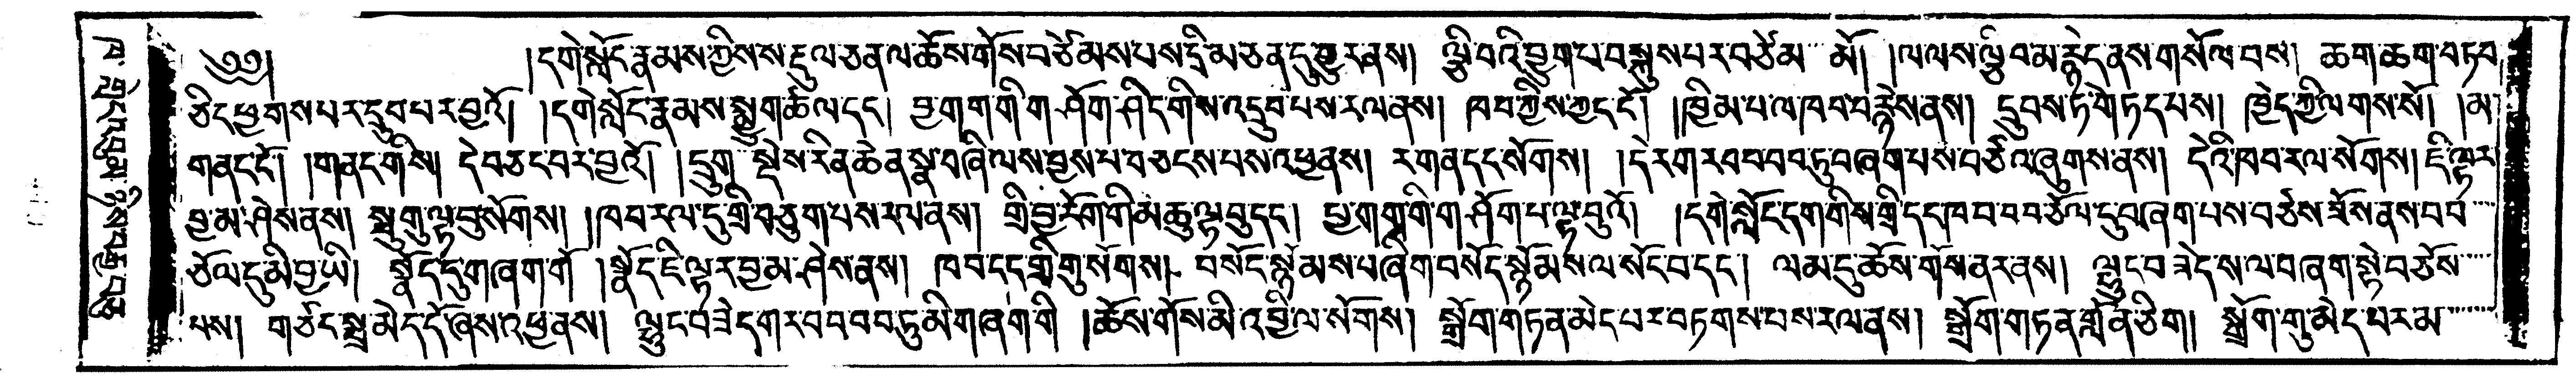༄༅། །དགེ་སློང་རྣམས་ཀྱིས་ས་རྡུལ་ཅན་ལ་ཆོས་གོས་བཙེམས་པས་དྲི་མ་ཅན་དུ་གྱུར་ནས། ལྕི་བའི་བྱུག་པ་བསྐུས་པར་བཙེམ་མོ། །ལ་ལས་ལྕིབ་མ་རྙེད་ནས་གསོལ་བས། ཆག་ཆག་བཏབ་
ཅིང་ཕྱགས་པར་དྲུབ་པར་བྱའོ། །དགེ་སློང་རྣམས་སྨྱུག་ཚལ་དང་། བྱ་གག་གི་གཤོག་ཤིང་གིས་འདྲུབ་པས་རལ་ནས། ཁབ་ཀྱིས་ཀྱང་ངོ། །ཁྱིམ་པ་ལ་ཁབ་བརྙེས་ནས། དྲུབས་ཏ་གཏད་པས། ཁྱེད་ཀྱི་ལགས་སོ། །མ་
གནང་ངོ། །གནང་གིས། དེ་བཅང་བར་བྱའོ། །དྲུག་སྡེས་རིན་ཆེན་སྣ་བཞི་ལས་བྱས་པ་བཅངས་པས་འཕྱ་ནས། ར་གན་དང་སོགས། །དེར་གར་བ་བབ་ཏུ་བཞག་པས་བཙའ་ཞུགས་ནས། དེའི་ཁབ་རལ་སོགས། ཇི་ལྟར་
བྱ་མ་ཤེས་ནས། སྦུ་གུ་ལྟ་བུ་སོགས། །ཁབ་རལ་དུ་གྲི་བཅུག་པས་རལ་ནས། གྲི་བྱ་རོག་གི་མཆུ་ལྟ་བུ་དང་། པྱ་གག་གི་གཤོག་པ་ལྟ་བུའོ། །དགེ་སློང་དག་གིས་གྲི་དང་ཁབ་བབ་ཅོལ་དུ་བཞག་པས་བཙས་ཟོས་ནས་བབ་
ཅོལ་དུ་མི་བྱ་ཡི། སྣོད་དུ་གཞག་གོ །སྣོད་ཇི་ལྟར་བྱ་མ་ཤེས་ནས། ཁབ་དང་གྲི་གུ་སོགས། བསོད་སྙོམས་པ་ཞིག་བསོད་སྙོམས་ལ་སོང་བ་དང་། ལམ་དུ་ཆོས་གོས་ནར་ནས། ལྷུང་བཟེད་ས་ལ་བཞག་སྟེ་བཅོས་
པས། གཙང་སྦྲ་མེད་དོ་ཞས་འཕྱ་ནས། ལྷུང་བཟེད་གར་བབ་བབ་ཏུ་མི་གཞག་གི །ཆོས་གོས་མི་འབྱི་ལ་སོགས། སྒྲོག་གཏན་མེད་པར་བཏགས་པས་རལ་ནས། སྒྲོག་གཏན་གློན་ཅིག། སྒྲོག་གུ་མེད་པར་མ་